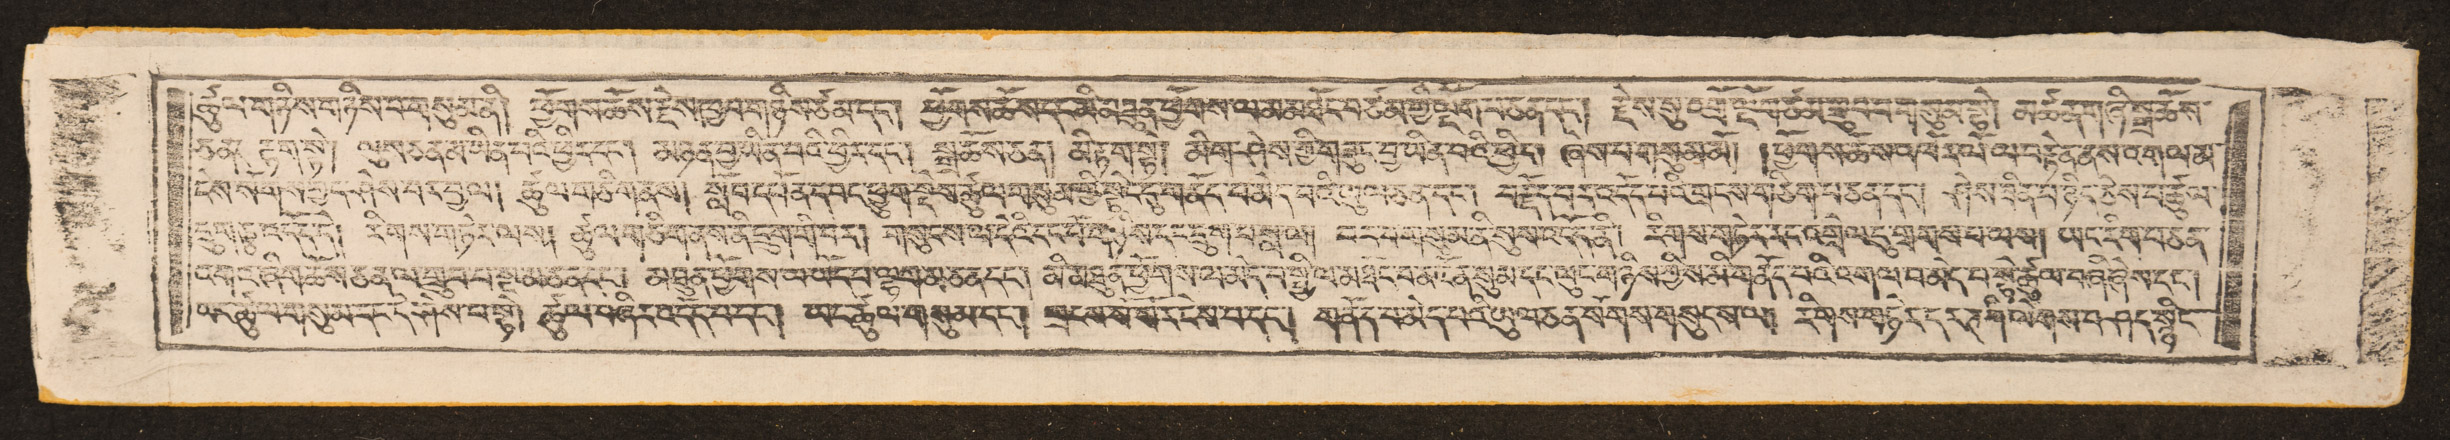ཚུལ་གཉིས་གཉིས་པ་གསུམ་ནི། ཕྱོགས་ཆོས་རྗེས་ཁྱབ་གཉིས་ཙམ་དང་། ཕྱོགས་ཆོས་དང་མི་མཐུན་ཕྱོགས་ལམ་མཐོནོག་བ་ཙམ་གྱི་ལྡོག་པ་ཅན་དང་། རྗེས་སུ་འགྲོ་ལྡོག་ཙམ་གྲུབ་པ་གསུམ་སྟེ། མཚན་གཞི་སྒྲ་ཆོས་
ཅན༑ རྟག་སྟེ། ལུས་ཅན་མ་ཡིན་པའི་ཕྱིར་དང་། མཉན་བྱ་ཡིན་པའི་ཕྱིར་དང་། སྒྲ་ཆོས་ཅན། མི་རྟག་སྟེ། མིག་ཤེས་ཀྱི་གཟུང་བྱ་ཡིན་པའི་ཕྱིར། ཞེས་པ་གསུམ་མོ། །ཕྱོགས་ཆོས་འཁོར་ལོ་ལ་བརྟེན་ནས་འགལ་མ་
ངེས་སོགས་ཀྱང་ཤེས་པར་བྱ་ལ། ཚུལ་གཅིག་ནས། སློབ་དཔོན་དབང་ཕྱུག་སྡེས་ཚུལ་གསུམ་གྱི་སྟེང་དུ་གནོད་པ་མེད་པའི་ཡུལ་ཅན་དང་། བརྗོད་པར་འདོད་པའི་གྲངས་གཅིག་པ་ཅན་དང་། ཤེས་ཟིན་པ་ཉིད་ཅེས་པ་ཚུལ་
དྲུག་ཅུ་འདོད་དེ། རིགས་གཏེར་ལས། ཚུལ་གཅིག་ནས་ནི་དྲུག་གི་བར། གསུངས་ལ་དེའི་དང་པོ་གཉིས་དང་དྲུག་པ་སླ་ལ། བར་པ་གསུམ་ནི་སུས་འདོད་ནི། རིགས་གཏེར་རང་འགྲེལ་དུ་གྲགས་པ་ལས། ཡང་རིག་པ་ཅན་
འགའ་ཞིག་ཆོས་ཅན་ལ་གྲུབ་པ་སྔ་མ་ཅན་དང་། མཐུན་ཕྱོགས་ལ་ཡོད་པ་ལྷག་མ་ཅན་དང་། མི་མཐུན་ཕྱོགས་ལ་མེད་པ་སྤྱི་ལ་མཐོང་བ་མངོན་སུམ་དང་ལུང་གཉིས་ཀྱིས་མི་གནོད་པའི་འགལ་བ་མེད་པ་སྟེ་ཚུལ་བཞི་ཞེས་དང་།
ཡང་ཚུལ་གསུམ་དང་དེ་ཤེས་པ་སྟེ། ཚུལ་བཞིར་འདོད་པ་དང་། ཡང་ཚུལ་གསུམ་དང་། གྲངས་སོ་སོར་ངེས་པ་དང་། གནོད་པ་མེད་པའི་ཡུལ་ཅན་སོགས་གསུངས་ལ། རིགས་གཏེར་དར་ཊཀི་ལེགས་བཤད་སྙིང་